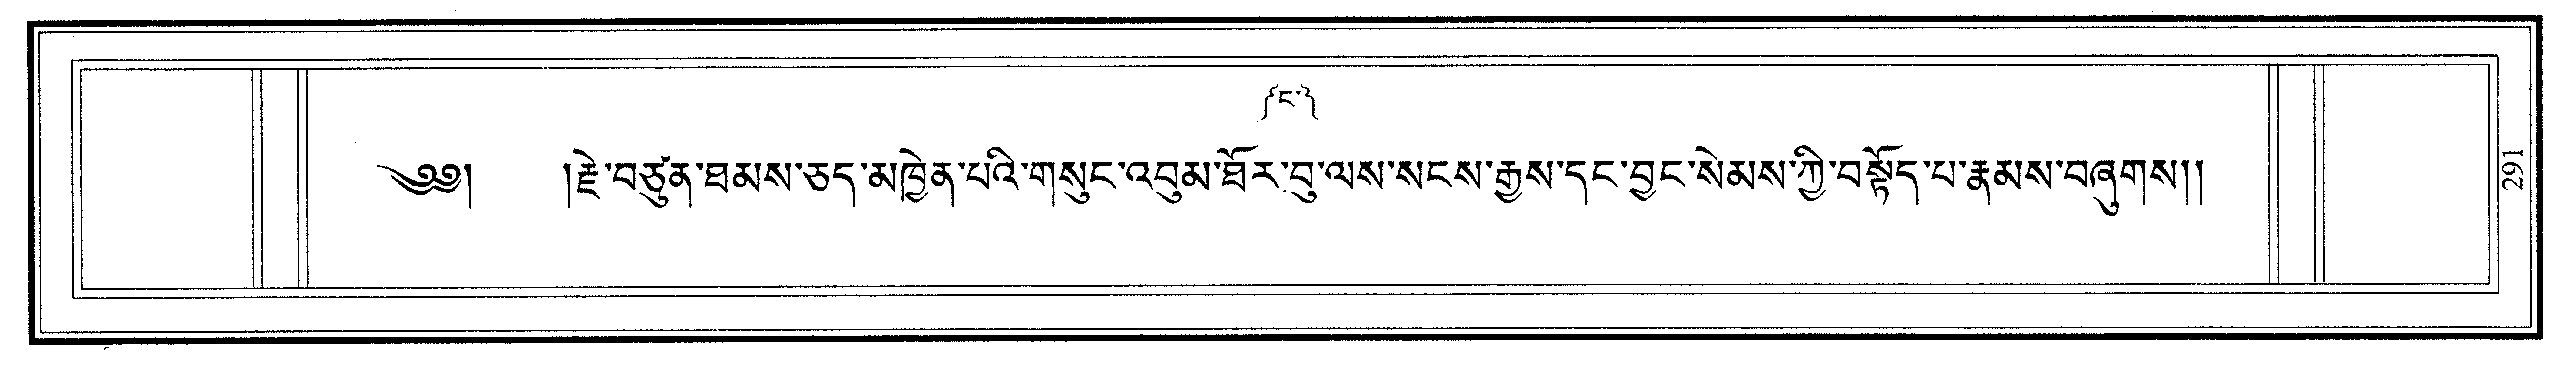༄༅། །རྗེ་བཙུན་ཐམས་ཅད་མཁྱེན་པའི་གསུང་འབུམ་ཐོར་བུ་ལས་སངས་རྒྱས་དང་བྱང་སེམས་ཀྱི་བསྟོད་པ་རྣམས་བཞུགས།།